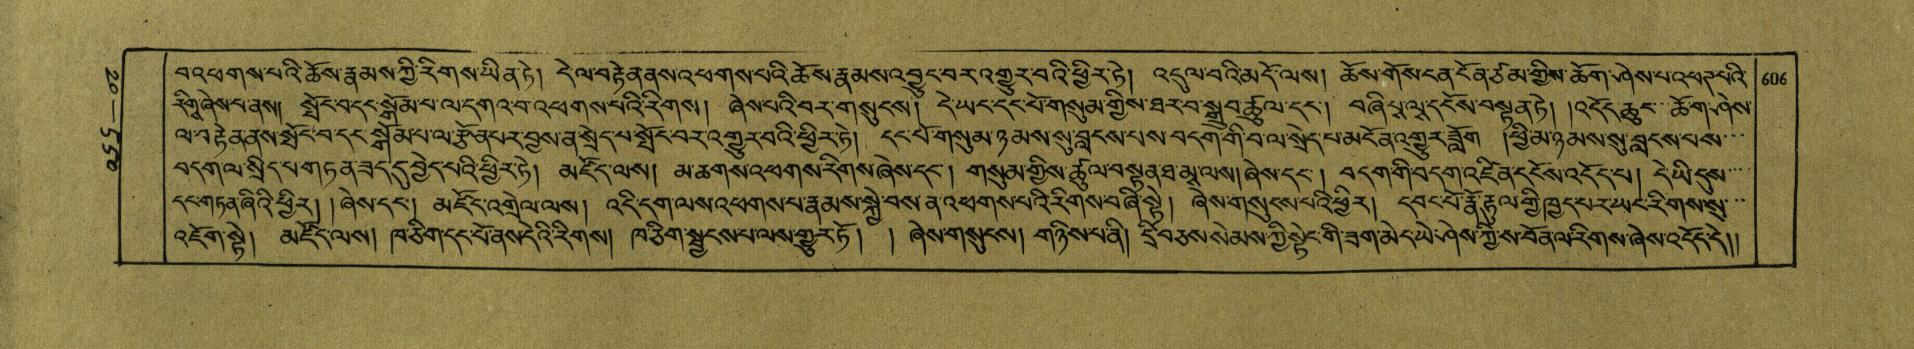བ་འཕགས་པའི་ཆོས་རྣམས་ཀྱི་རིགས་ཡིན་ཏེ། དེ་ལ་བརྟེན་ནས་འཕགས་པའི་ཆོས་རྣམས་འབྱུང་བར་འགྱུར་བའི་ཕྱིར་ཏེ། འདུལ་བའི་མདོ་ལས། ཆོས་གོས་ངན་ངོན་ཙམ་གྱིས་ཆོག་ཤེས་པ་འཕཌ་པའི་
རིགས་ཞེས་པ་ནས། སྤོང་བ་དང་སྒོམ་པ་ལ་དགའ་བ་འཕགས་པའི་རིགས། ཞེས་པའི་བར་གསུངས། དེ་ཡང་དང་པོ་གསུམ་གྱིས་ཐར་བ་སྒྲུབ་ཚུལ་དང་། བཞི་པས་ལས་དངོས་བསྟན་ཏེ། །འདོད་ཆུང་ཆོ་ག་ཤེས་
ལ་བརྟེན་ནས་སྤོང་བ་དང་སྒོམ་པ་ལ་རྩོན་པར་བྱས་ན་སྲེད་པ་སྤོང་བར་འགྱུར་བའི་ཕྱིར་ཏེ། དང་པོ་གསུམ་ཉམས་སུ་བླངས་པས་བདག་གི་བ་ལ་སྲེད་པ་མངོན་འགྱུར་ཟློག །ཕྱི་མ་ཉམས་སུ་བླངས་པས་
བདག་ལ་སྲིད་པ་གཏན་ཟད་དུ་བྱེད་པའི་ཕྱིར་ཏེ། མཛོད་ལས། མ་ཆགས་འཕགས་རིགས་ཞེས་དང་། གསུམ་གྱིས་ཚུལ་བསྟན་ཐ་མས་ལས། ཞེས་དང་། བདག་གི་བདག་འཛིན་དངོས་འདོད་པ། དེ་ཡི་དུས་
དང་གཏན་ཞིའི་ཕྱིར། །ཞེས་དང་། མཛོད་འགྲེལ་ལས། འདི་དག་ལས་འཕགས་པ་རྣམས་སྐྱེ་བས་ན་འཕགས་པའི་རིགས་བཞི་སྟེ། ཞེས་གསུངས་པའི་ཕྱིར། དབང་པོ་རྣོ་རྟུལ་གྱི་ཁྱད་པར་ཡང་རིགས་སུ་
འཇོག་སྟེ། མཛོད་ལས། ཁ་ཅིག་དང་པོ་ནས་དེའི་རིགས། ཁ་ཅིག་སྦྱངས་པ་ལས་གྱུར་ཏོ། །ཞེས་གསུངས། གཉིས་པ་ནི། དྲི་བཅས་སེམས་ཀྱི་སྟེང་གི་ཟག་མེད་ཡེ་ཤེས་ཀྱི་ས་བོན་ལ་རིགས་ཞེས་འདོད་དེ།།